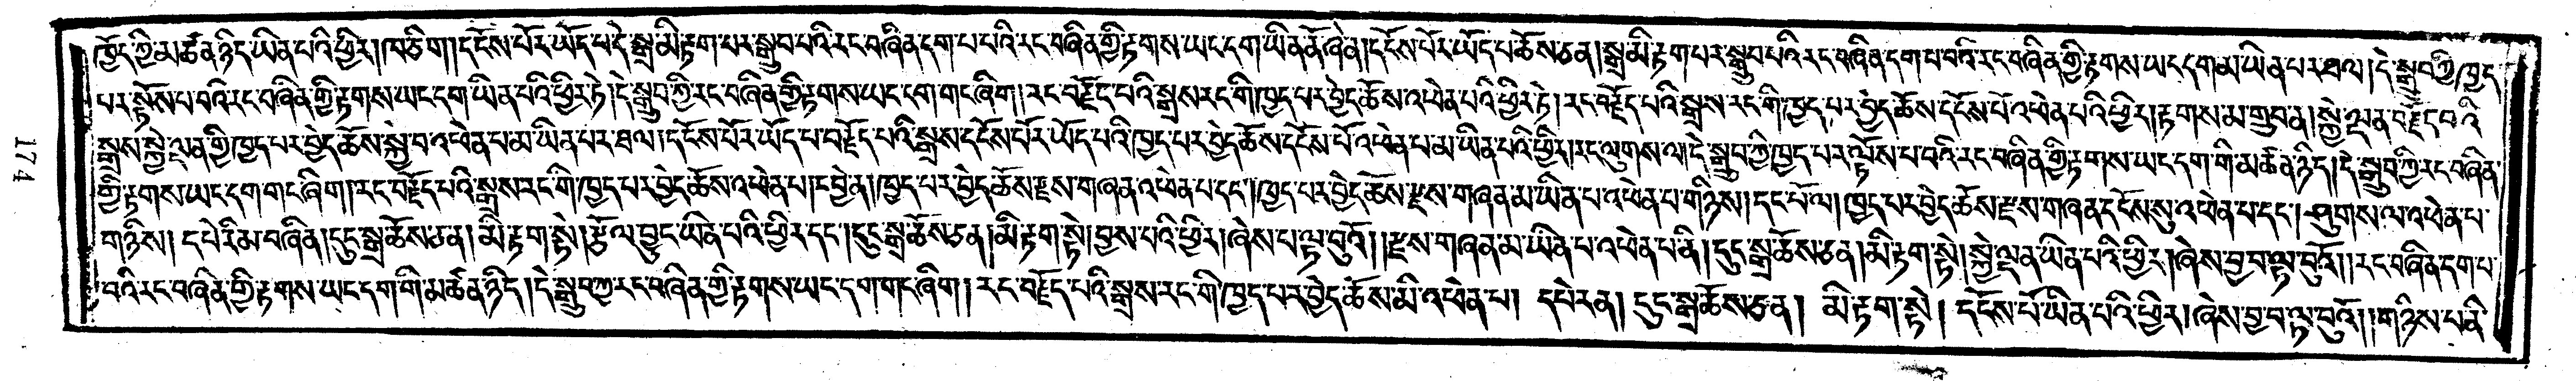ཁྱོད་ཀྱི་མཚན་ཉིད་ཡིན་པའི་ཕྱིར། ཁ་ཅིག །དངོས་པོར་ཡོད་པ་དེ་སྒྲ་མི་རྟག་པར་སྒྲུབ་པའི་རང་བཞིན་དག་པ་པའི་རང་བཞིན་གྱི་རྟགས་ཡང་དག་ཡིན་ནོ་ཞེ་ན། དངོས་པོར་ཡོད་པ་ཆོས་ཅན། སྒྲ་མི་རྟག་པར་སྒྲུབ་པའི་རང་བཞིན་དག་པ་བའི་རང་བཞིན་གྱི་རྟགས་ཡང་དག་མ་ཡིན་པར་ཐལ། དེ་སྒྲུབ་ཀྱི་ཁྱད་
པར་སྟོས་པ་བའི་རང་བཞིན་གྱི་རྟགས་ཡང་དག་ཡིན་པའི་ཕྱིར་ཏེ། དེ་སྒྲུབ་ཀྱི་རང་བཞིན་གྱི་རྟགས་ཡང་དག་གང་ཞིག། རང་བརྗོད་པའི་སྒྲས་རང་གི་ཁྱད་པར་བྱེད་ཆོས་འཕེན་པའི་ཕྱིར་ཏེ། རང་བརྗོད་པའི་སྒྲས་རང་གི་ཁྱད་པར་བྱེད་ཆོས་དངོས་པོ་འཕེན་པའི་ཕྱིར། རྟགས་མ་གྲུབ་ན། སྐྱེ་ལྡན་བརྗོད་པའི་
སྒྲས་སྐྱེ་ལྡན་གྱི་ཁྱད་པར་བྱེད་ཆོས་སྐྱེ་བ་འཕེན་པ་མ་ཡིན་པར་ཐལ། དངོས་པོར་ཡོད་པ་བརྗོད་པའི་སྒྲས་དངོས་པོར་ཡོད་པའི་ཁྱད་པར་བྱེད་ཆོས་དངོས་པོ་འཕེན་པ་མ་ཡིན་པའི་ཕྱིར། རང་ལུགས་ལ། དེ་སྒྲུབ་ཀྱི་ཁྱད་པར་ལྟོས་པ་པའི་རང་བཞིན་གྱི་རྟགས་ཡང་དག་གི་མཚན་ཉིད། དེ་སྒྲུབ་ཀྱི་རང་བཞིན་
གྱི་རྟགས་ཡང་དག་གང་ཞིག། རང་བརྗོད་པའི་སྒྲས་རང་ག་ཁྱད་པར་བྱེད་ཆོས་འཕེན་པ། དབྱེ་ན། ཁྱད་པར་བྱེད་ཆོས་རྫས་གཞན་འཕེན་པ་དང་། ཁྱད་པར་བྱེད་ཆོས་རྫས་གཞན་མ་ཡིན་པ་འཕེན་པ་གཉིས། དང་པོ་ལ། ཁྱད་པར་བྱེད་ཆོས་རྫས་གཞན་དངོས་སུ་འཕེན་པ་དང་། ཤུགས་ལ་འཕེན་པ་
གཉིས། དཔེ་རིམ་བཞིན། དུང་སྒྲ་ཆོས་ཅན། མི་རྟག་སྟེ། རྩོལ་བྱུང་ཡིན་པའི་ཕྱིར་དང་། དུང་སྒྲ་ཆོས་ཅན། མི་རྟག་སྟེ། བྱས་པའི་ཕྱིར། ཞེས་པ་ལྟ་བུའོ། །རྫས་གཞན་མ་ཡིན་པ་འཕེན་པ་ནི། དུང་སྒྲ་ཆོས་ཅན། མི་རྟག་སྟེ། སྐྱེ་ལྡན་ཡིན་པའི་ཕྱིར། ཞེས་བྱ་བ་ལྟ་བུའོ། །རང་བཞིན་དག་པ་
བའི་རང་བཞིན་གྱི་རྟགས་ཡང་དག་ག་མཚན་ཉིད། དེ་སྒྲུབ་ཀྱི་རང་བཞིན་གྱི་རྟགས་ཡང་དག་གང་ཞིག། རང་བརྗོད་པའི་སྒྲས་རང་གི་ཁྱད་པར་བྱེད་ཆོས་མི་འཕེན་པ། དཔེར་ན། དུང་སྒྲ་ཆོས་ཅན། མི་རྟག་སྟེ། དངོས་པོ་ཡིན་པའི་ཕྱིར། ཞེས་བྱ་བ་ལྟ་བུའི། །གཉིས་པ་ནི་